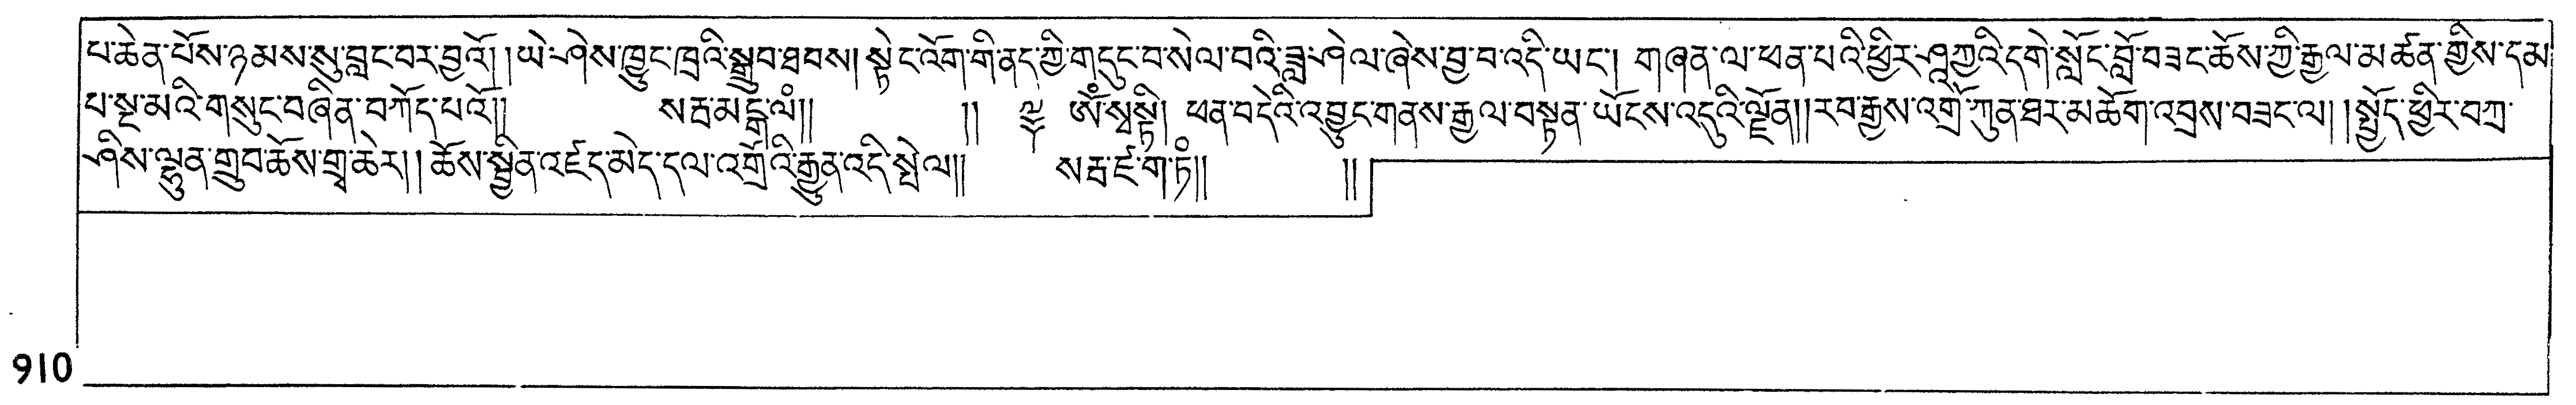པ་ཆེན་པོས་ཉམས་སུ་བླང་བར་བྱའོ། །ཡེ་ཤེས་ཁྱུང་ཁྲའི་སྒྲུབ་ཐབས། སྟེང་འོག་གི་ནད་ཀྱི་གདུང་བ་སེལ་བའི་ཟླ་ཤེལ་ཞེས་བྱ་བ་འདི་ཡང་། གཞན་ལ་ཕན་པའི་ཕྱིར་ཤཱཀྱའི་དགེ་སློང་བློ་བཟང་ཆོས་ཀྱི་རྒྱལ་མཚན་གྱིས་དམ་
པ་སྔ་མའི་གསུང་བཞིན་བཀོད་པའོ།། སརྦ་མངྒ་ལཾ།། །། ༈ ཨོཾ་སྭསྟི། ཕན་བདེའི་འབྱུང་གནས་རྒྱལ་བསྟན་ཡོངས་འདུའི་ལྗོན། །རབ་རྒྱས་འགྲོ་ཀུན་ཐར་མཆོག་འབྲས་བཟང་ལ། །སྤྱོད་ཕྱིར་བཀྲ་
ཤིས་ལྷུན་གྲུབ་ཆོས་གྲྭ་ཆེར། །ཆོས་སྦྱིན་འཛད་མེད་དལ་འགྲོའི་རྒྱུན་འདི་སྤེལ།། སརྦ་ཛ་ག་ཏཾ།། །།